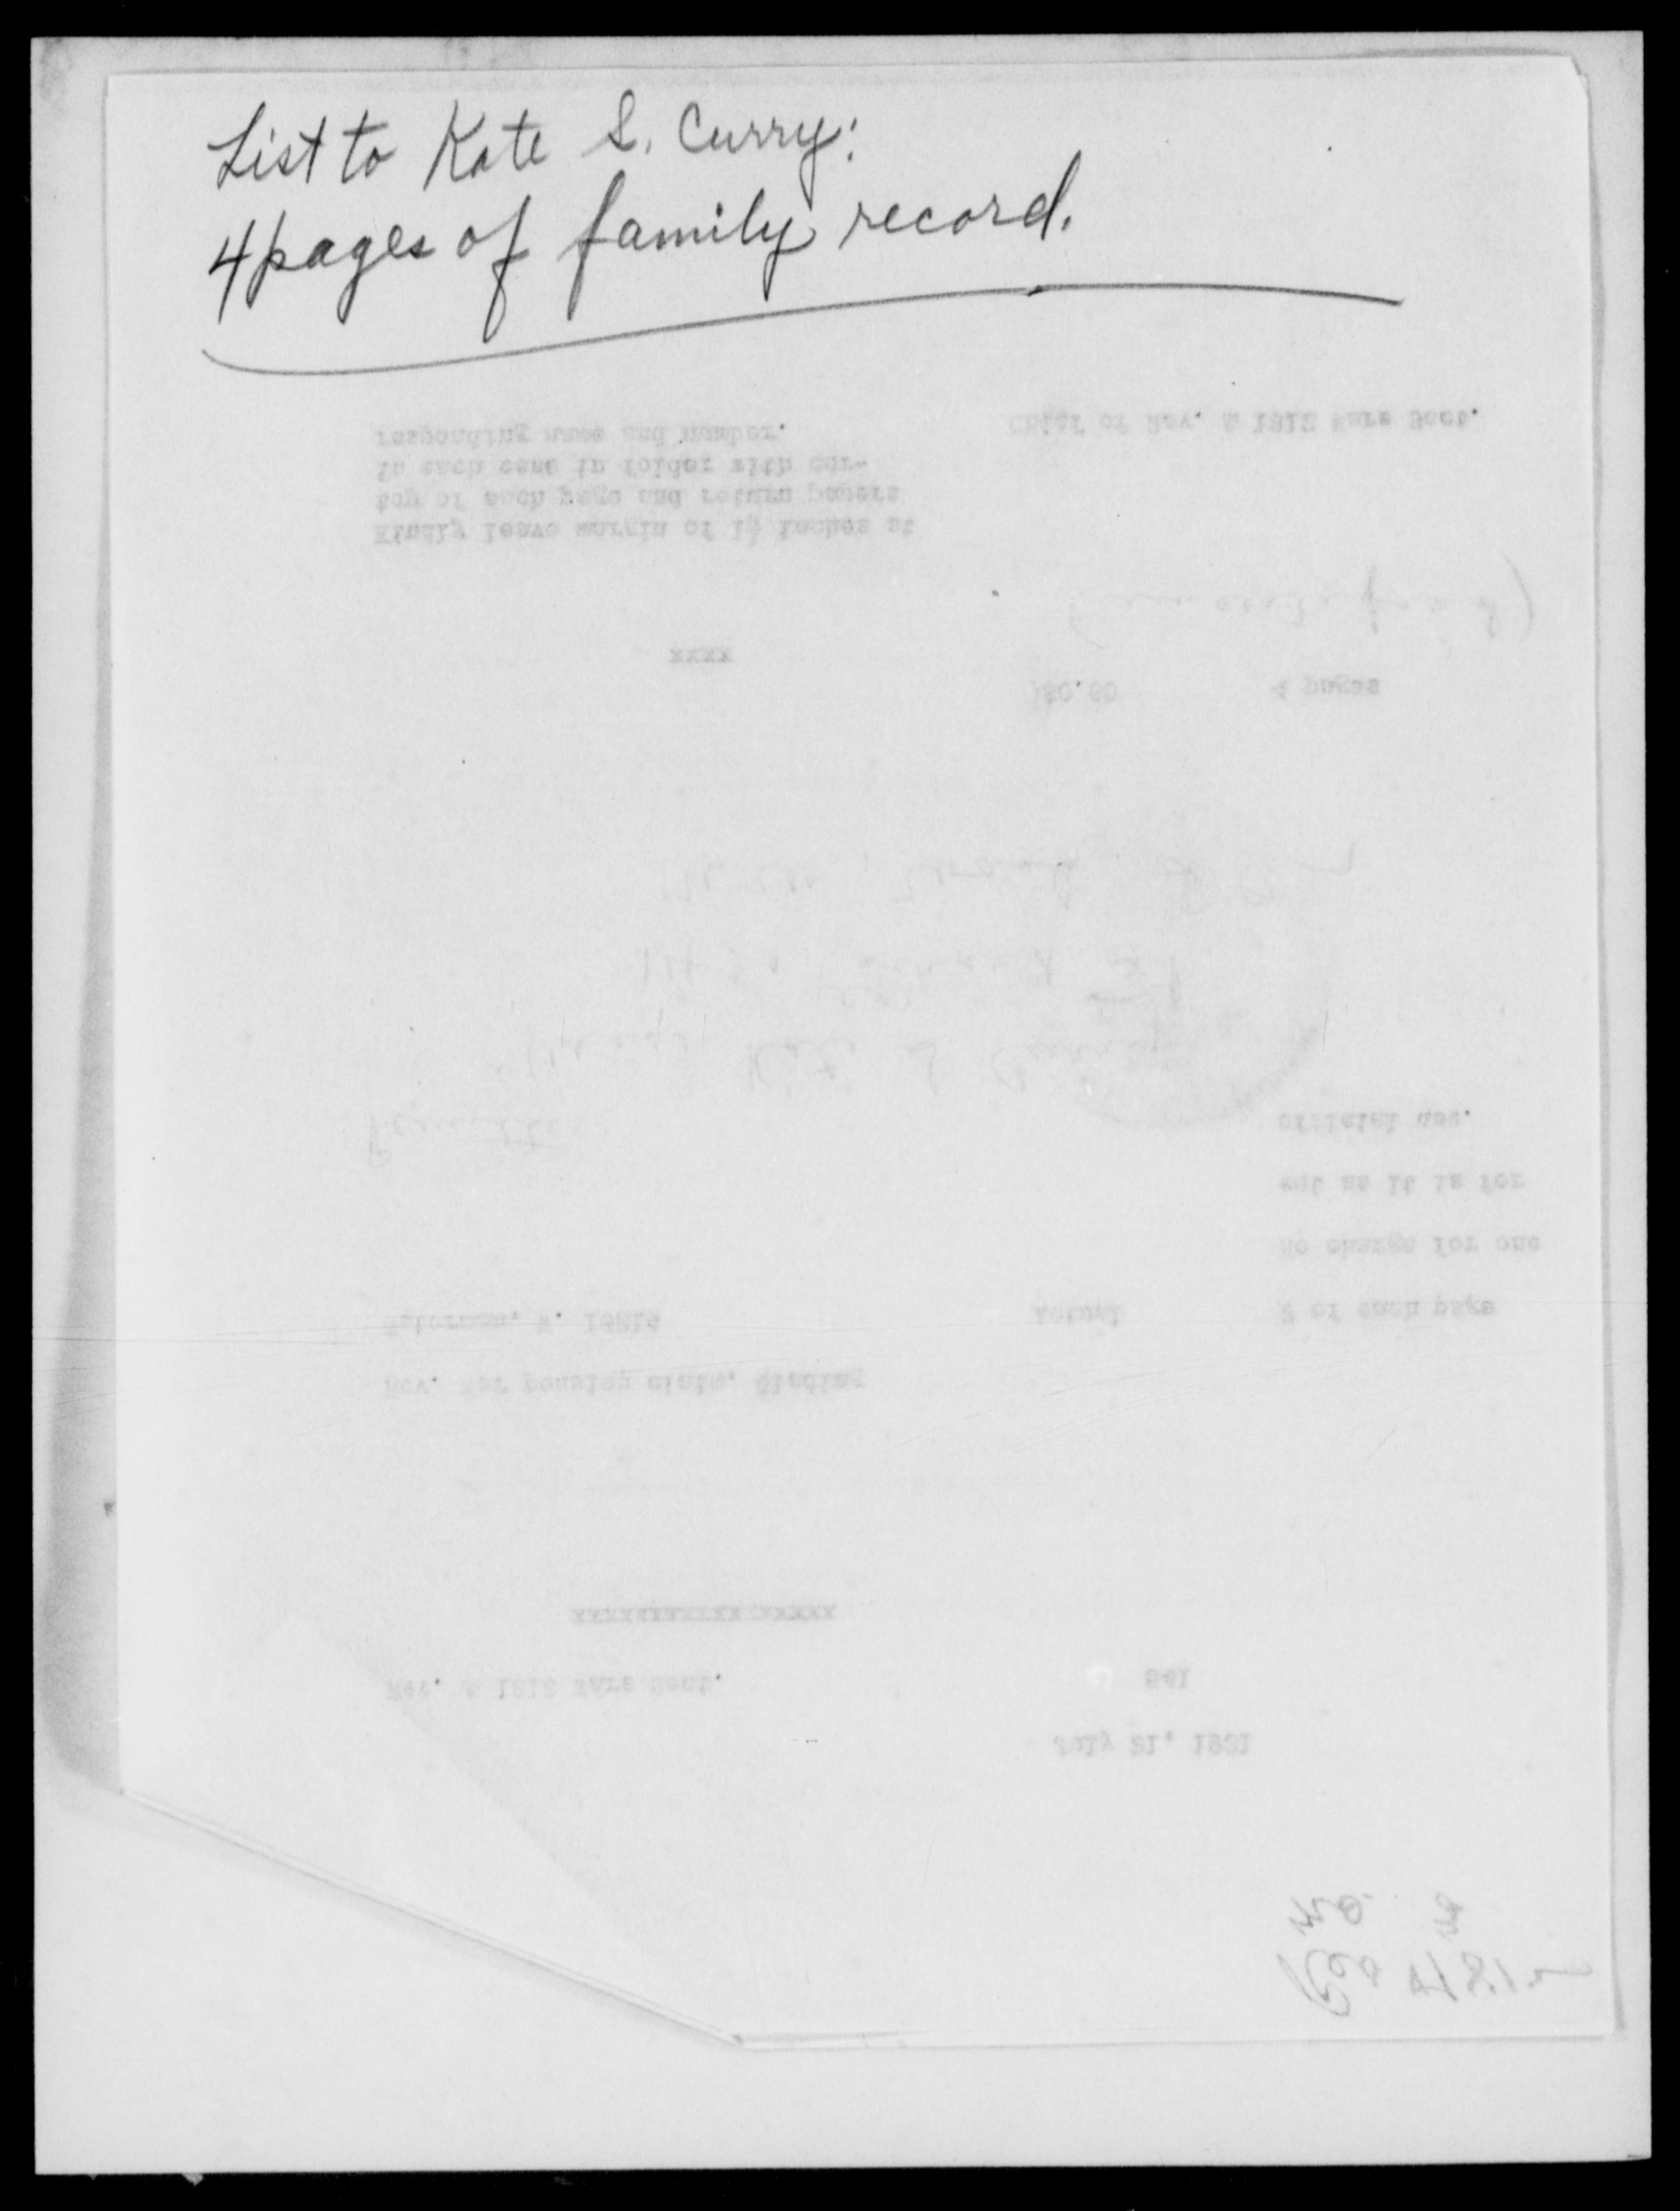List to Kate S. Curry:
4 pages of family record.
_______________________________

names: Kate S Curry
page: 49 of 50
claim: widow's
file: W. 15814, Glading Waterman, Conn. Conn. Sea Service Continental